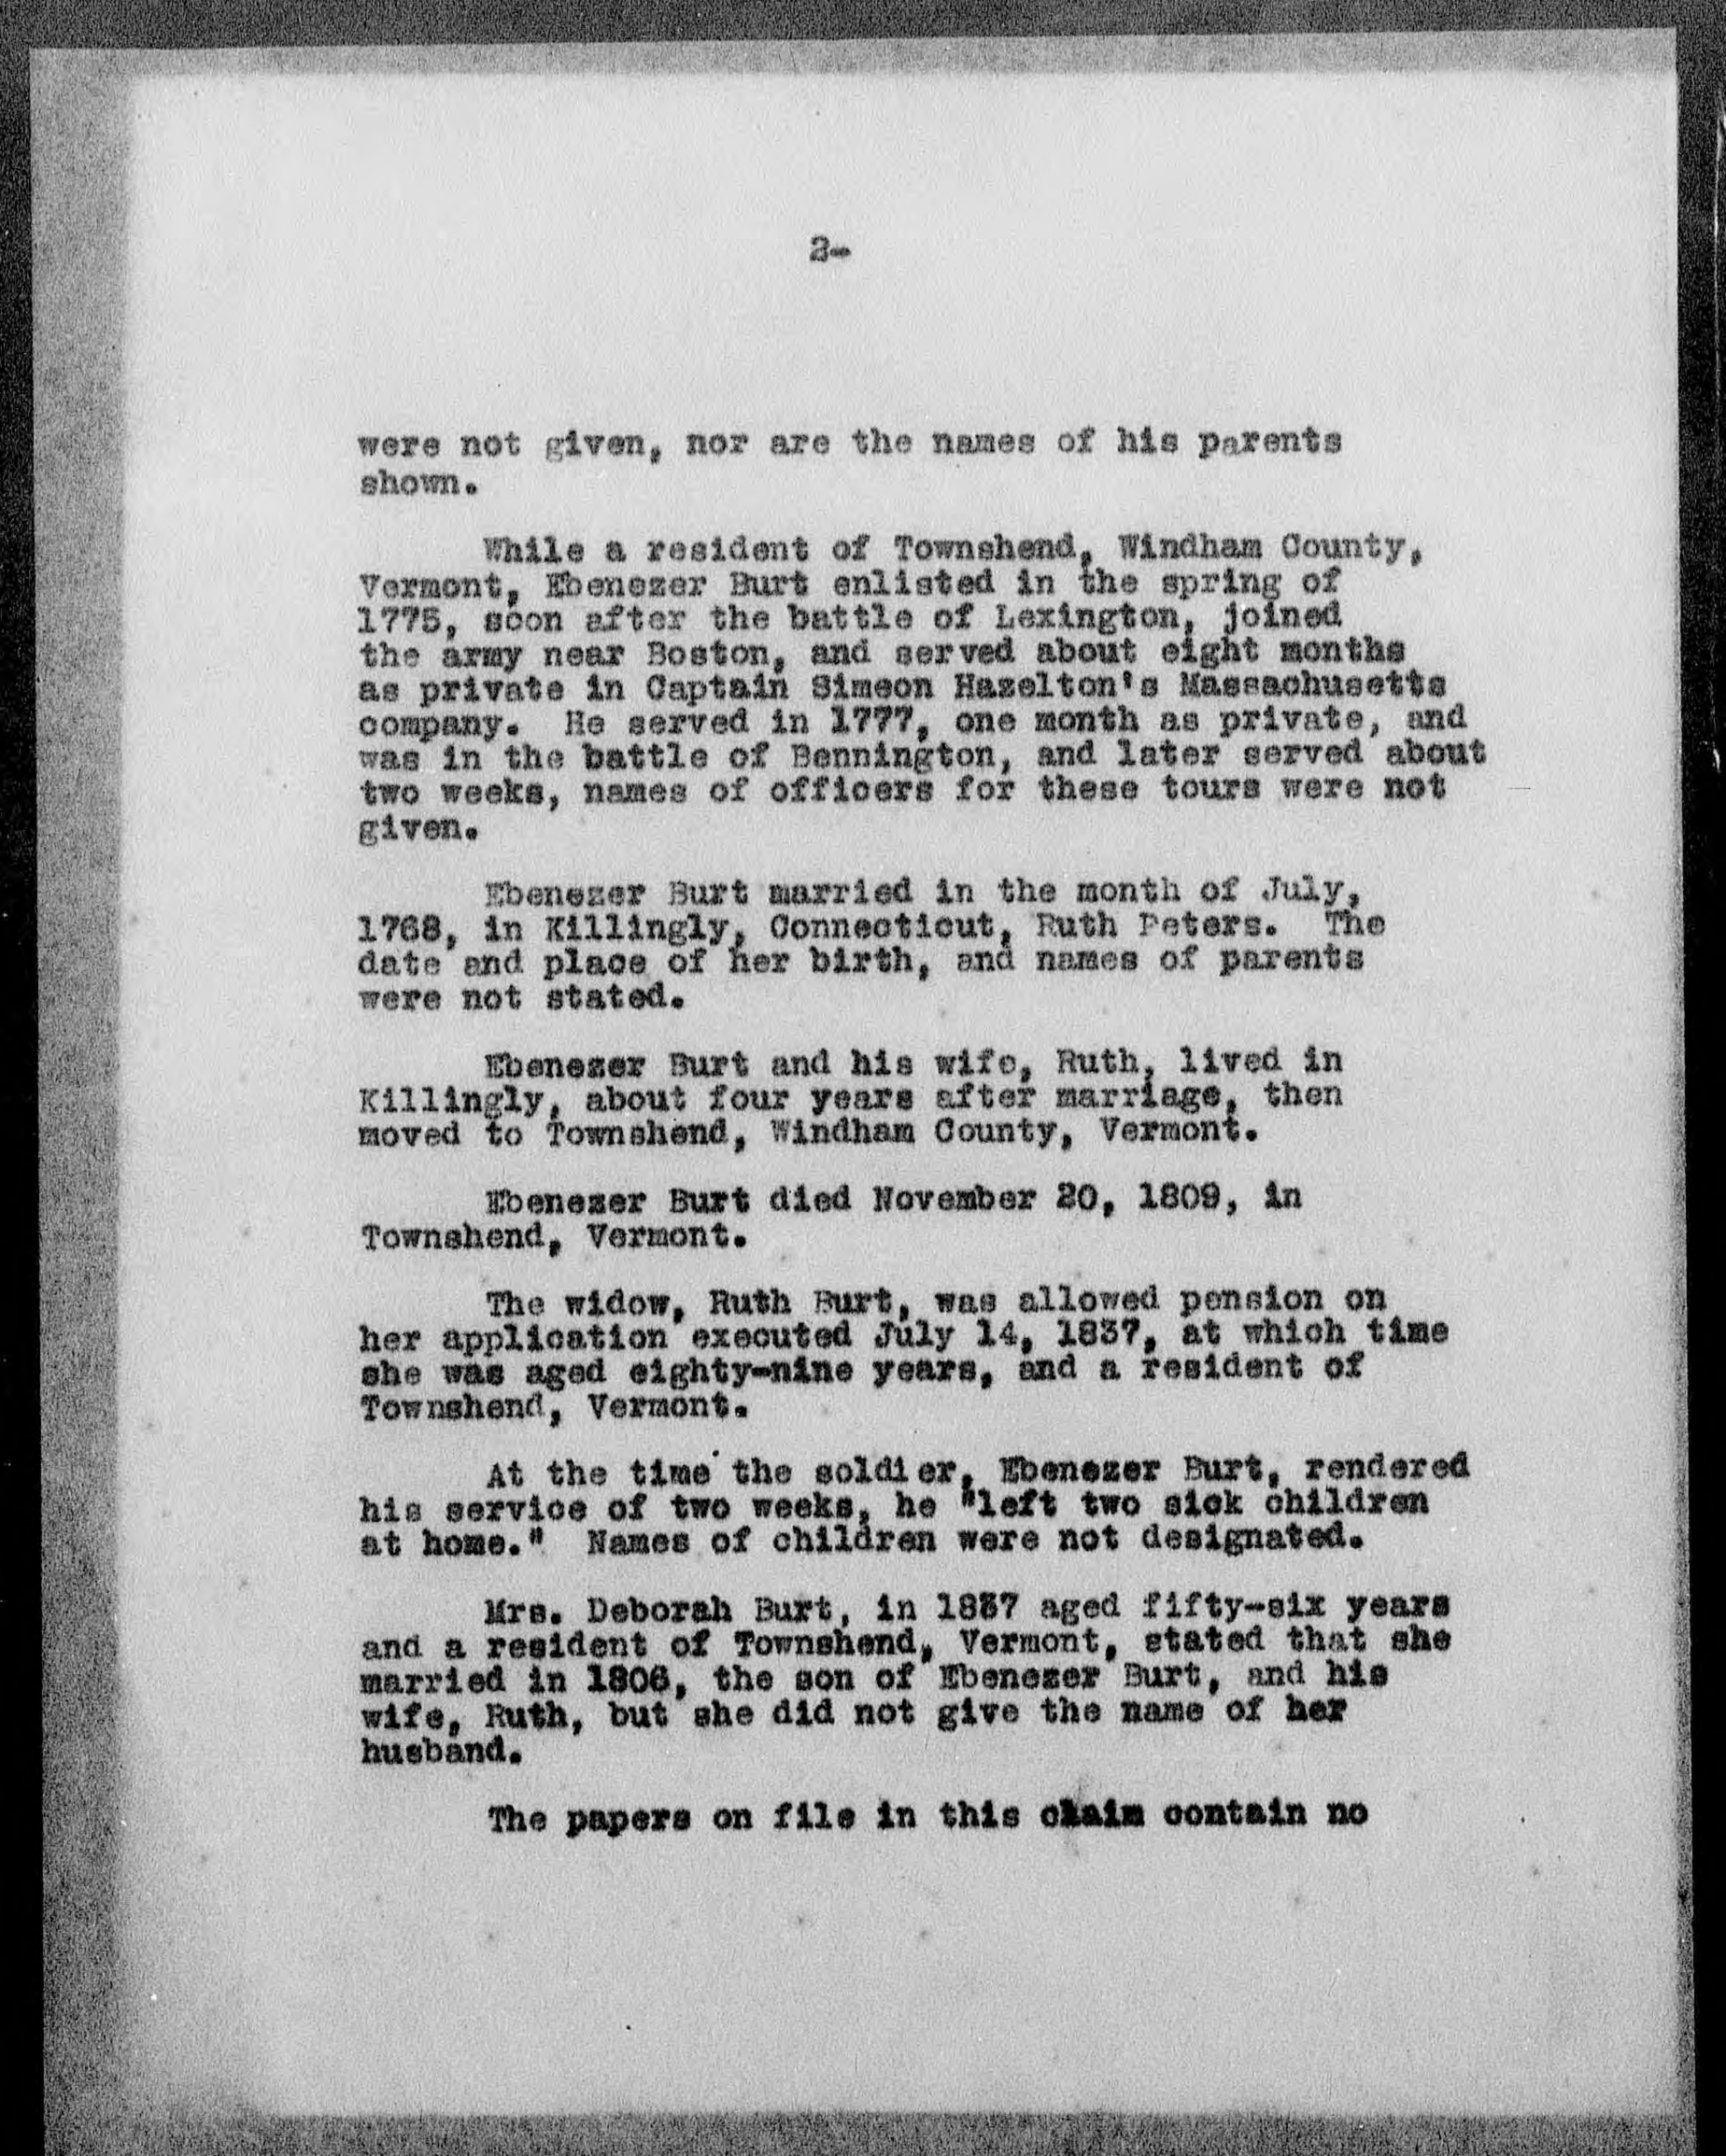were not given, nor are the names of his parents shown.

While a resident of Townshend, Windham County, Vermont, Ebenezer Burt enlisted in the spring of 1775, soon after the battle of Lexington, joined the army near Boston, and served about eight months as private in Captain Simeon Hazelton's Massachusetts
company. He served in 1777, one month as private, and was in the battle of Bennington, and later served about two weeks, names of officers for these tours were not given.

Ebenezer Burt married in the month of July,
1768, in Killingly, Connecticut, Ruth Peters. The
date and place of her birth, and names of parents were not stated.

Ebenezer Burt and his wife, Ruth, lived in
Killingly, about four years after marriage, then
moved to Townshend, Windham County, Vermont.

Ebenezer Burt died November 20, 1809, in
Townshend, Vermont.

The widow, Ruth Burt, was allowed pension on
her application executed July 14, 1837, at which time she was aged eighty-nine years, and a resident of Townshend, Vermont.

At the time the soldier, Ebenezer Burt, rendered his service of two weeks, he "left two sick children at home." Names of children were not designated.

Mrs. Deborah Burt, in 1887 aged fifty-six years
and a resident of Townshend, Vermont, stated that she married in 1806, the son of Ebenezer Burt, and his wife, Ruth, but she did not give the name of her husband.

The papers on file in this claim contain no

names: Ebenezer Burt, Ebenezer Burt, Ebenezer Burt, Ruth Burt, Ruth, Deborah Burt, Ebenezer Burt, Ebenezer Burt, Ebenezer Burt, Ruth, Ruth Peters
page: 16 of 17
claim: widow's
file: W. 20809, Ebenezer Burt, Mass.